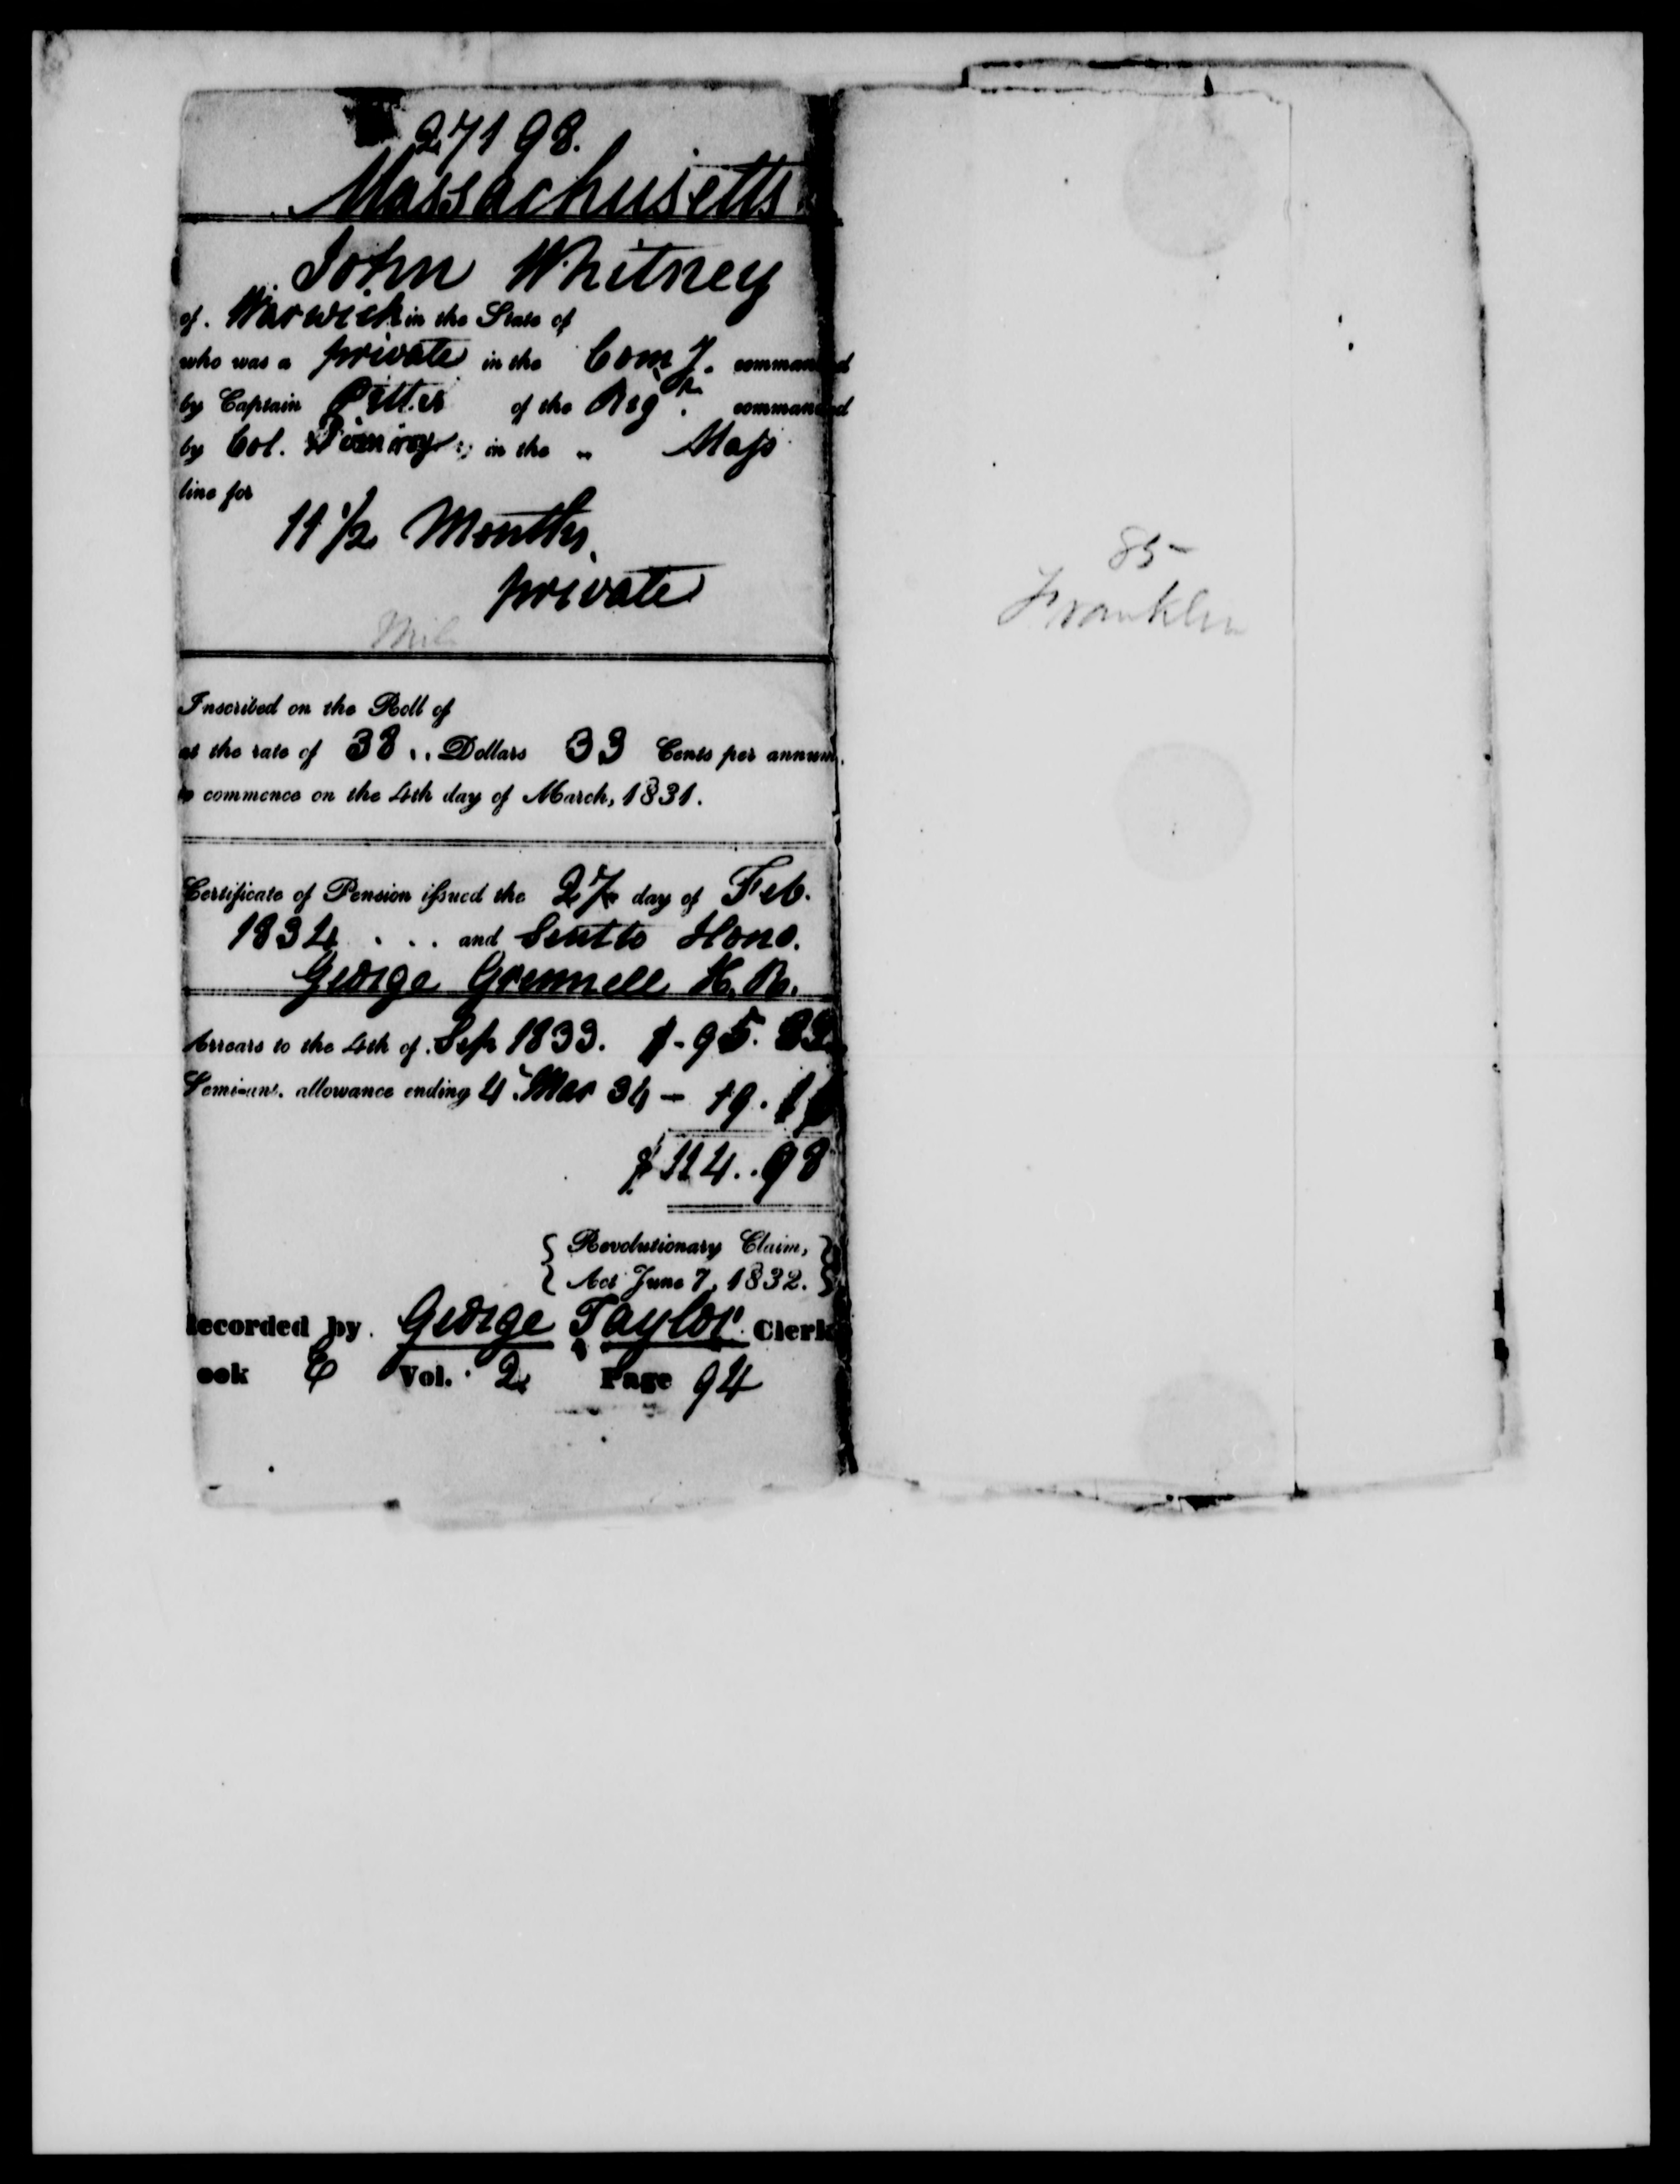27198
Massachusetts
John Whitney
of Warwick in the State of (blank) who was a private in the Comy. commanded by Captain Potter of the Regt. commanded by Col. Pomeroy in the Mass line for 11 1/2 months
Private

Inscribed on the Roll of (blank) at the rate of 33 Dollars 33 Cents per annum to commence on the 4th day of March 1831
Certificate of Pension issued 
the 17th day of Feb. 1834 and sent to
Hono. George Grennell H.R.

Arrears to the 4th Sep 1833   $95.32
Semi-anl. allowance ending
44 March '34  $19.66
$114.98

{Revolutionary Claim
Act June 7, 1832}
Recorded by George Taylor Clerk
Book E. Vol. 2 page 94

85 
Franklin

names: George Grennell, Potter, John Whitney, George Taylor, Pomroy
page: 2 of 10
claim: survivor's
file: S. 30,203, John Whitney, Mass.